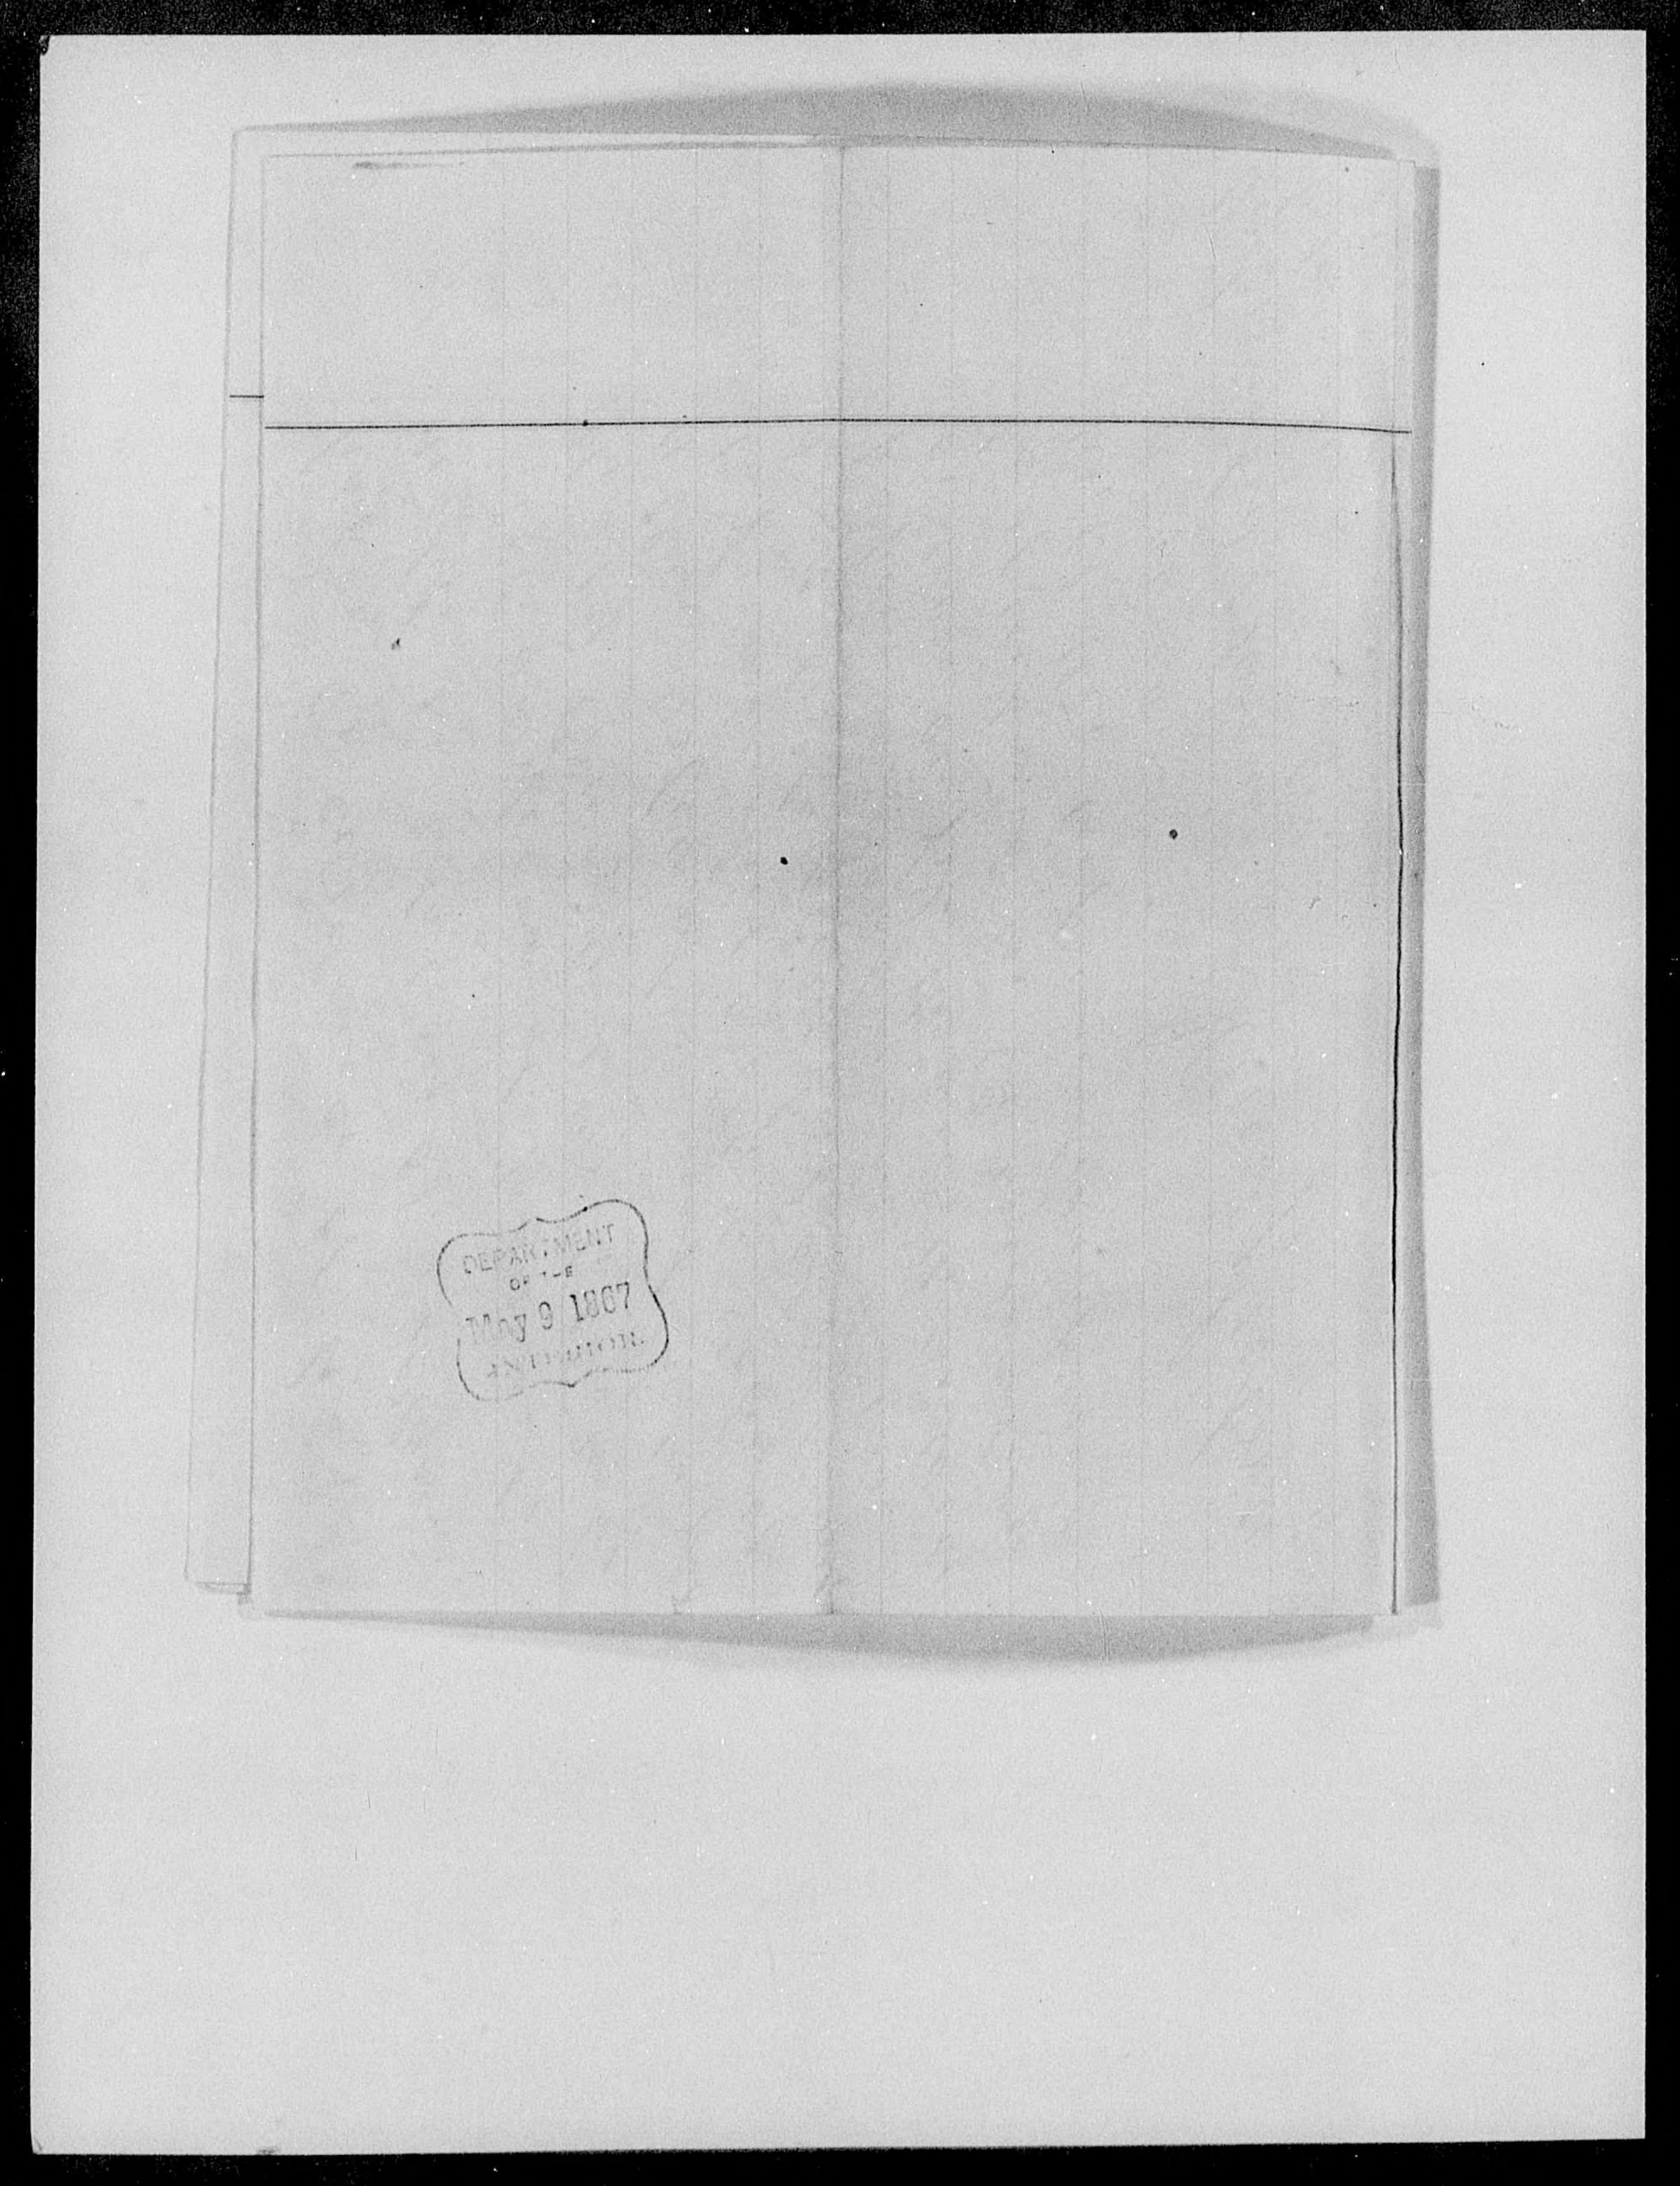DEPARTMENT OF THE INTERIOR
MAY 9 1867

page: 9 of 32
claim: survivor's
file: S. 34899, John Gibson, R.I.